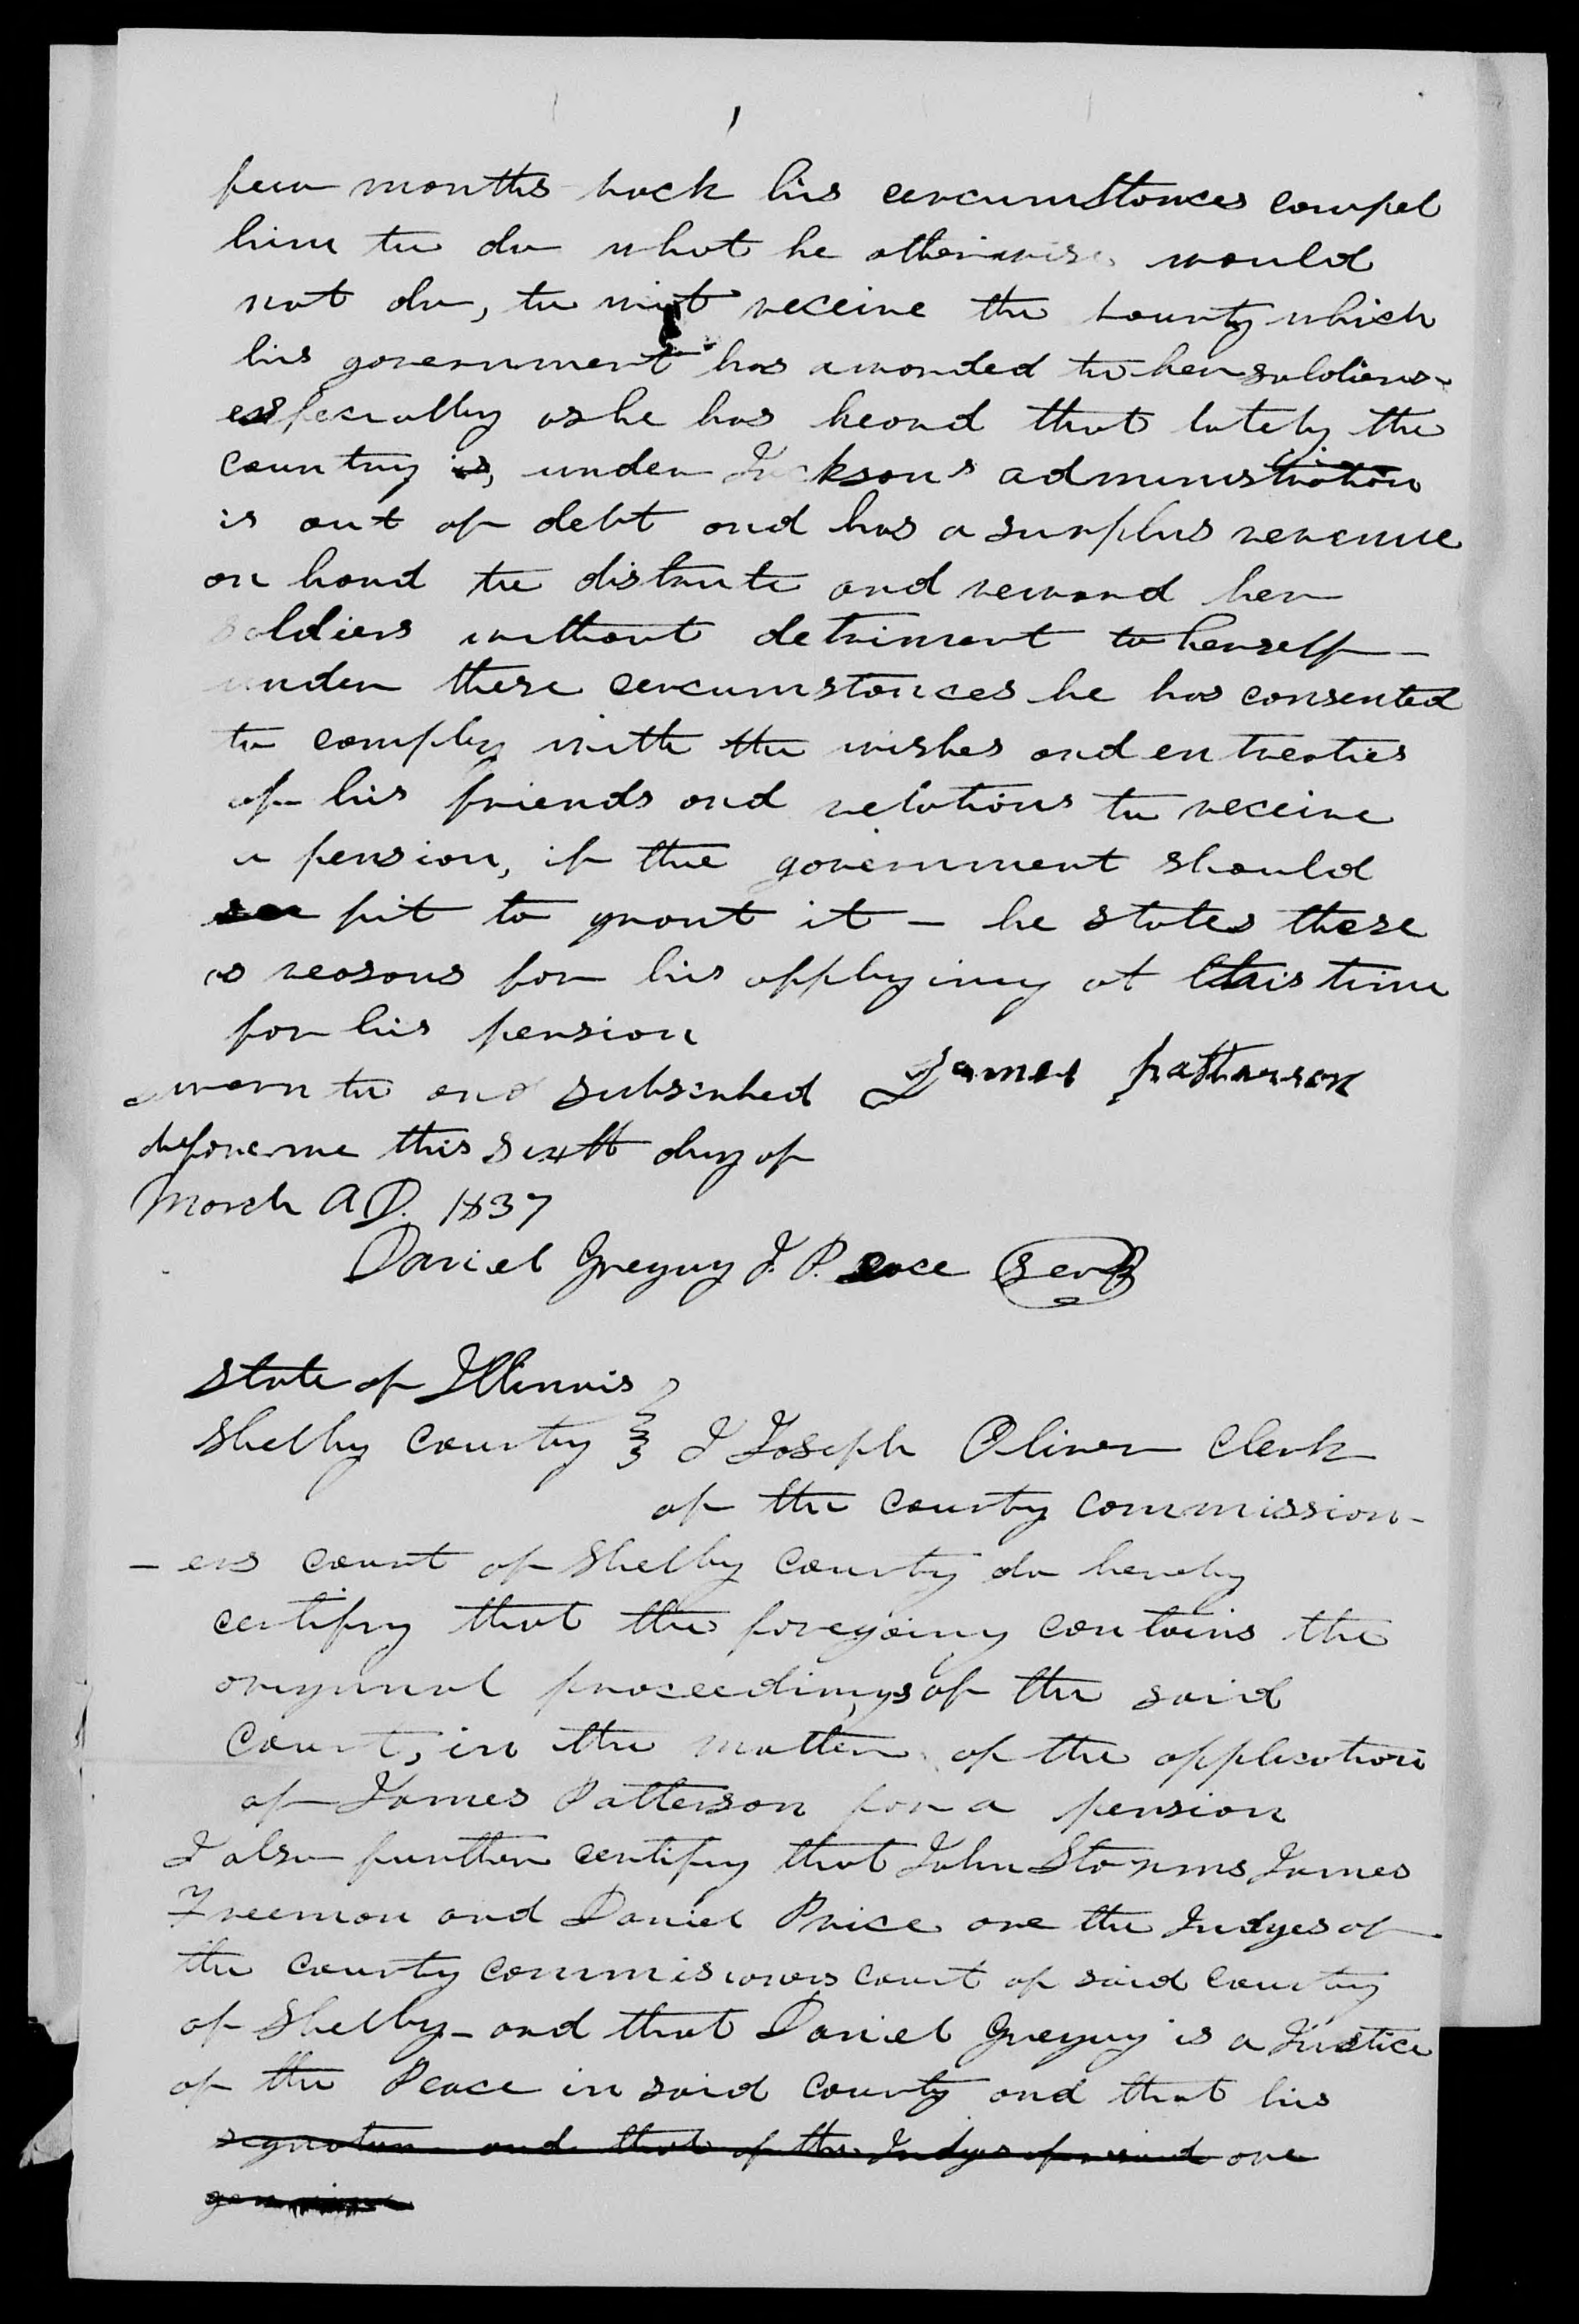few months back his circumstances compel him to do what he otherwise, would not do, to not receive the bounty which his government has amounted to her soldiers especially as he has heard that lately the country is under Jackson’s administration is out of debt and has a surplus revenue on hand to distribute and reward her soldiers without detriment to herself under these circumstances he has consented to comply with the wishes and entreaties of his friends and relations to receive a pension, if the government should see fit to grant it-- he states these as reasons for his applying at this time for his pension 
Sworn to and subscribed James Patterson before me this sixth day of March A.D. 1837 
David Gregery J. Peace ℗ [seal]

State of Illinois  }
Shelby County   } I Joseph Oliver Clerk of the County Commissioners court of Shelby County do hereby certify that the foregoing contains the original proceedings of the said Court, in the matter of the application of James Patterson for a pension 
I also further certify that John Storms James Freeman and Daniel Price one the Judges of the county commissioners Court of said County of Shelby - and that Daniel Gregery is a Justice of the Peace in said County and that his signature and that of the judges aforesaid are genuine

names: Daniel Price; James Freeman; John Storms; David Gregery; James Patterson; Joseph Oliver; [BLANK] Jackson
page: 42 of 69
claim: widow's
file: W. 10861, for James Patterson, North Carolina